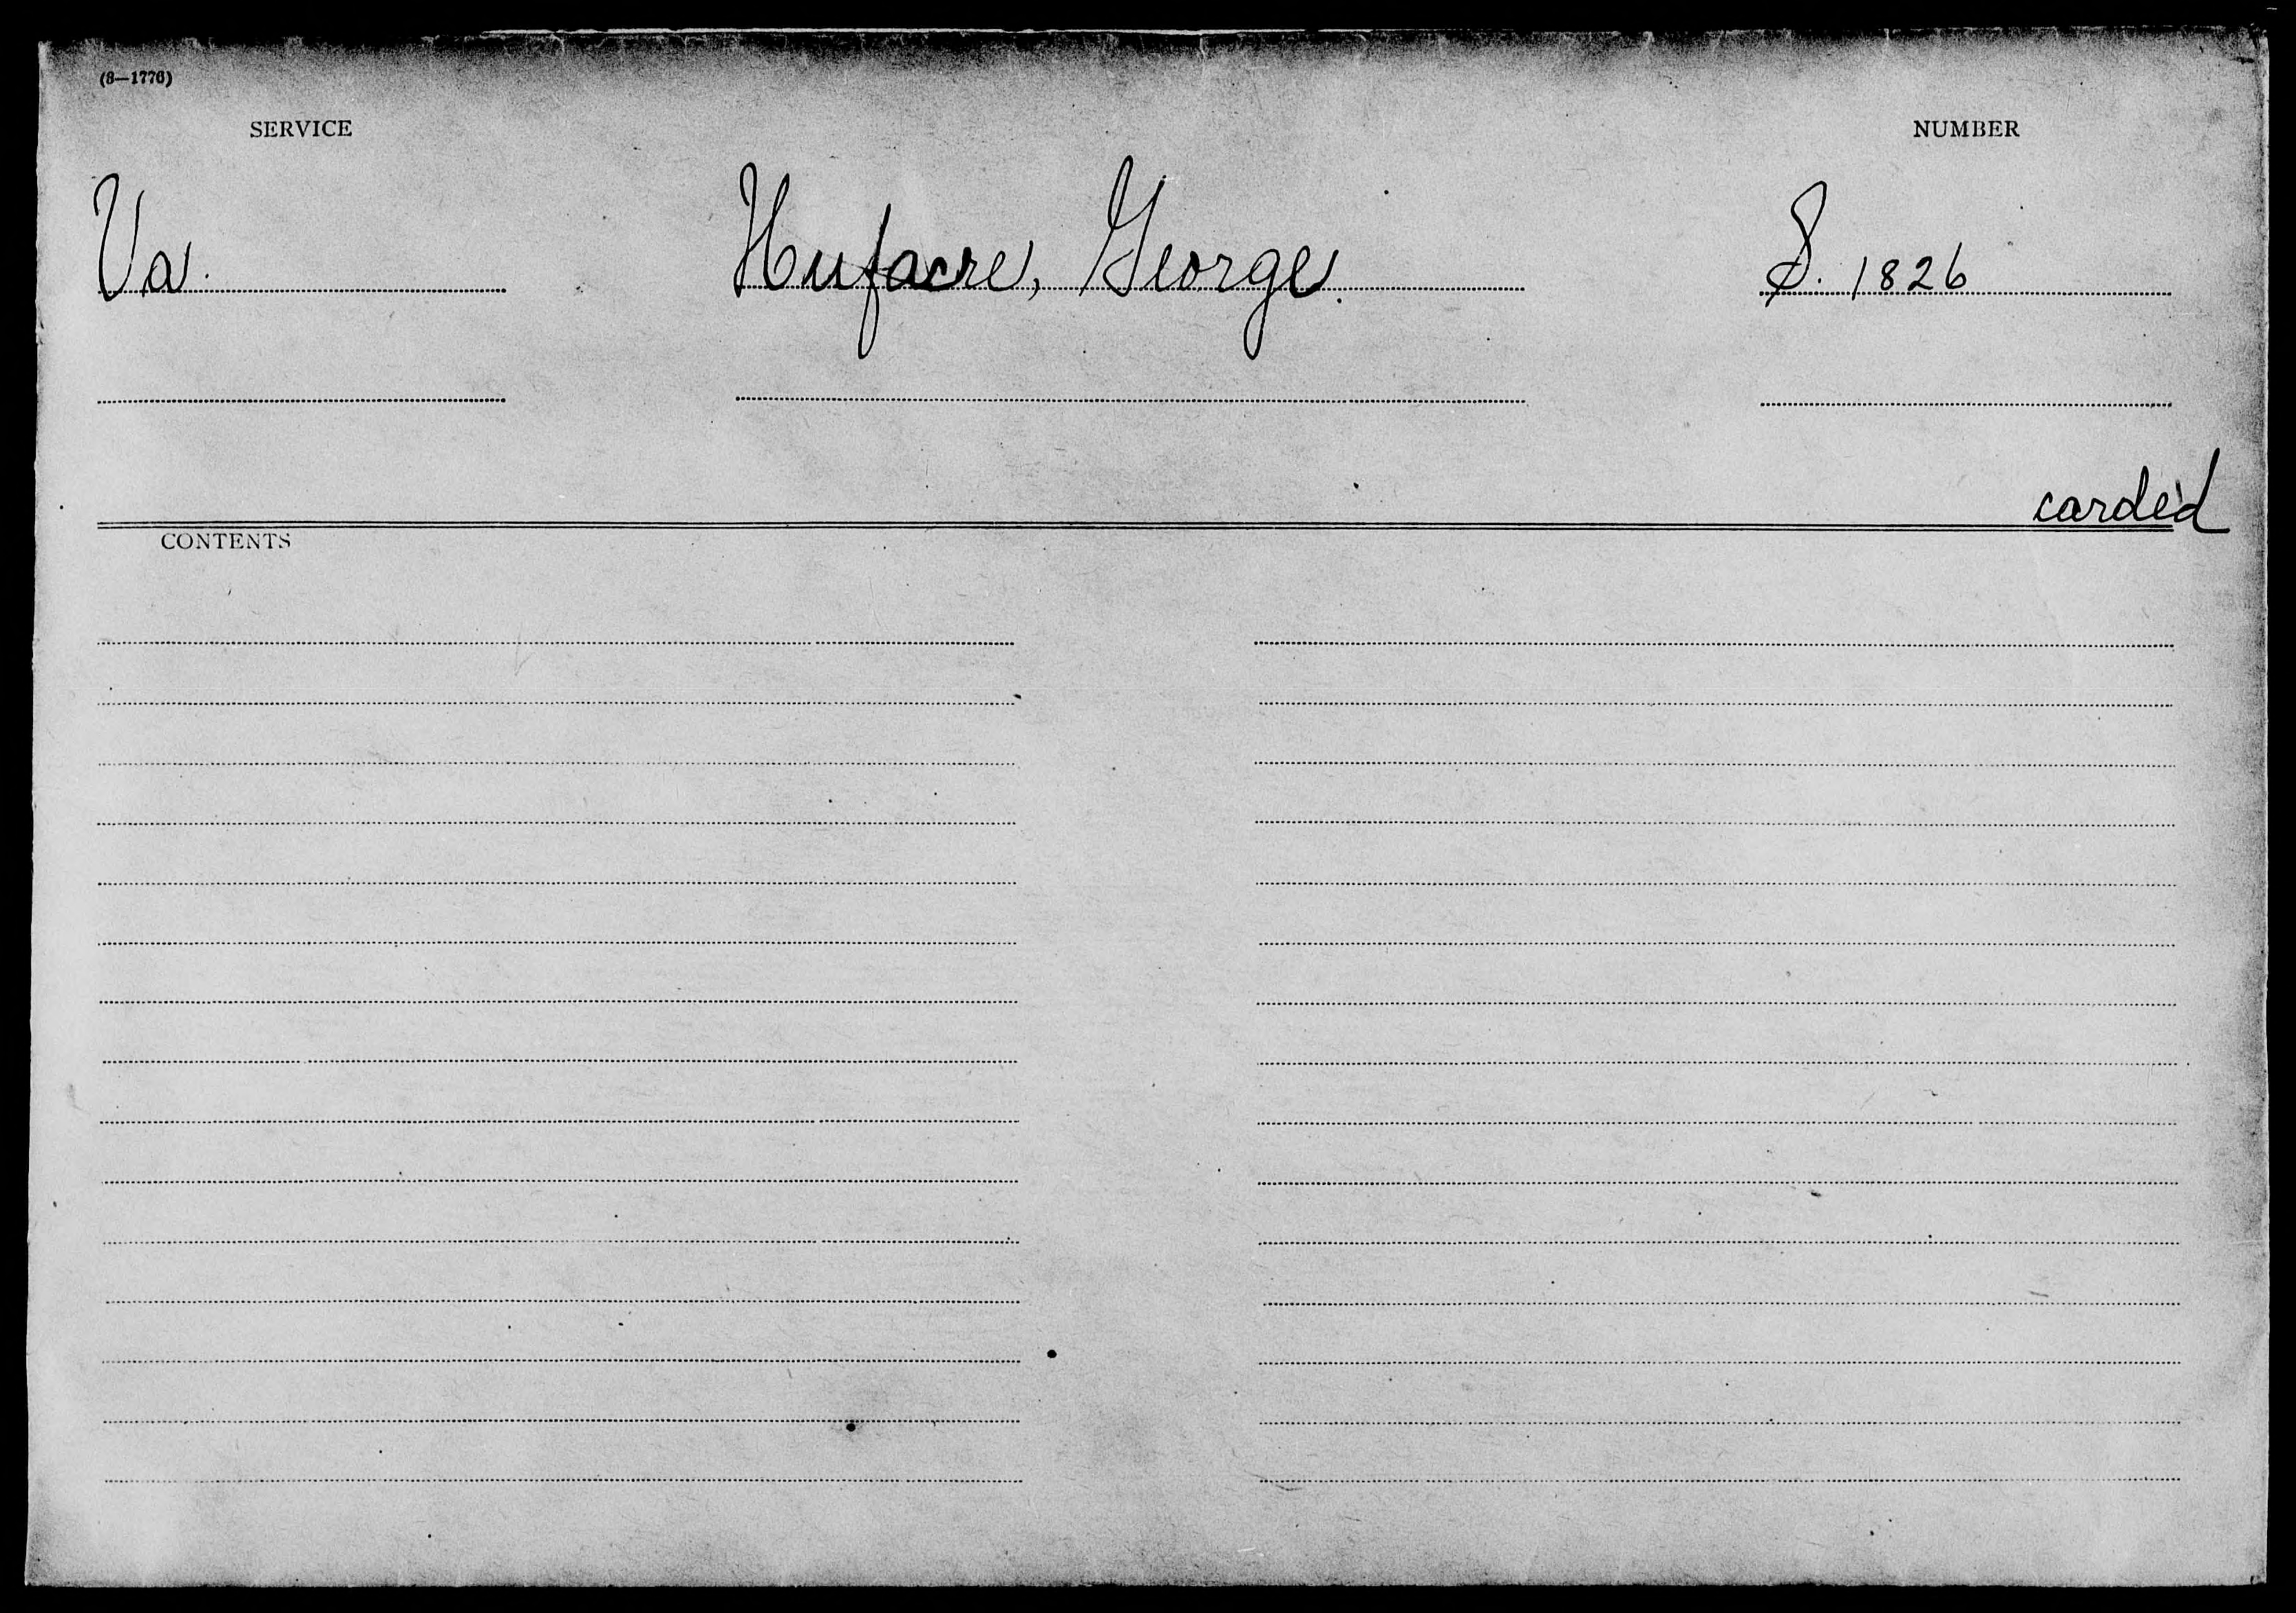(3-1776)
SERVICE                                 NUMBER
Va.            Hufacre, George    S.1826
carded
CONTENTS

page: 1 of 19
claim: survivor's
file: S. 1826, George Hufacre, Va.